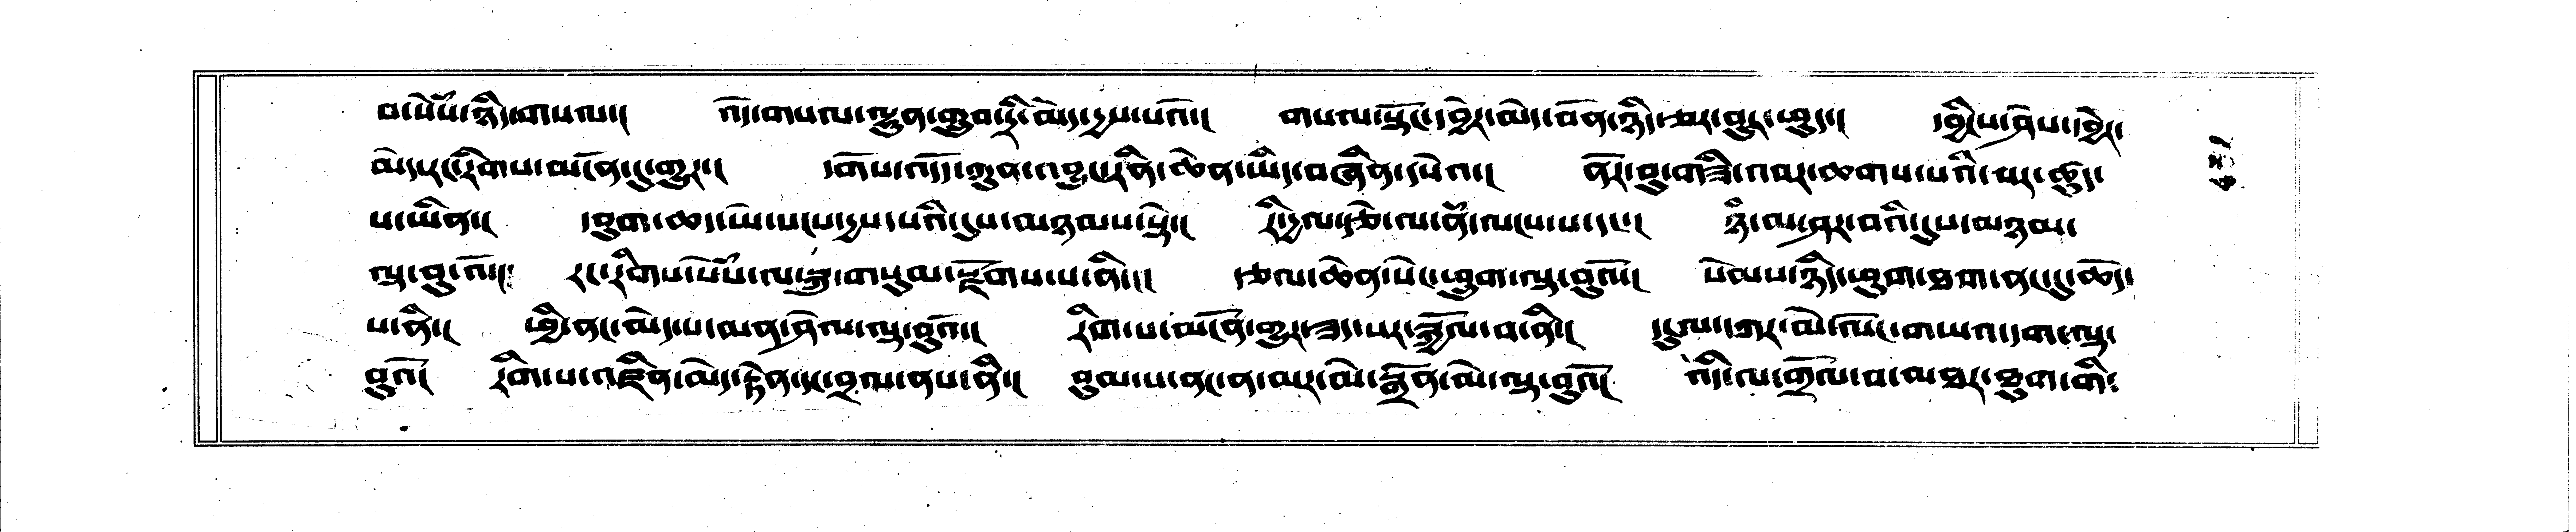སེམས་ཉིད་གསལ། འོད་གསལ་ལྷུན་གྲུབ་དྲི་མེད་རྒྱས་པའོ། གསལ་སྟོང་དབྱེར་མེད་བོན་སྐུ་གཅེར་བུར་ཕུད། དབྱིངས་ཤེས་དབྱེར་
མེད་རིག་པ་མངོན་དུ་གྱུར། དགོས་འདོད་ཀུན་འབྱུང་རིན་པོ་ཆེའི་དཔེ། ནོར་བུ་གཟི་འབར་ཆངས་པར་ཚུད་
པ་ཡིན། དབུག་ཆད་པ་དང་ཡེ་སངས་རྒྱས་པ་དུས་མཉམ་སྟེ། རི་རྒྱལ་རྩེ་ལ་ནམ་ལངས་པ་དང་། ཉི་མ་ཤར་བ་དུས་མཉམ་
ལྟ་བུའོ། རང་རིག་སེམས་ལ་སྐུ་གསུམ་རྫོགས་པ་ནི། རྩལ་ཆེན་སེང་གེའི་ཕྲུག་གུ་ལྟ་བུའོ། སེམས་ཉིད་ཕུ་ཐག་ནང་དུ་ཆོད་
པ་ནི། ཕྱི་ནང་མེད་པ་མེན་ཤེལ་ལྟ་བུའོ། རིག་པ་མངོན་གྱུར་ཟད་སར་སྐྱོལ་བ་ནི། དངུལ་དཀར་མེ་ལོང་གཡའ་དག་ལྟ་
བུའོ། རིག་པ་འཛིན་མེད་རྟེན་དང་བྲལ་ནི། བུམ་པ་ནང་གིས་སྒྲོན་མེ་ལྟ་བུའོ། འདི་ནི་གྲོལ་བ་མཐར་ཐུག་གིས་